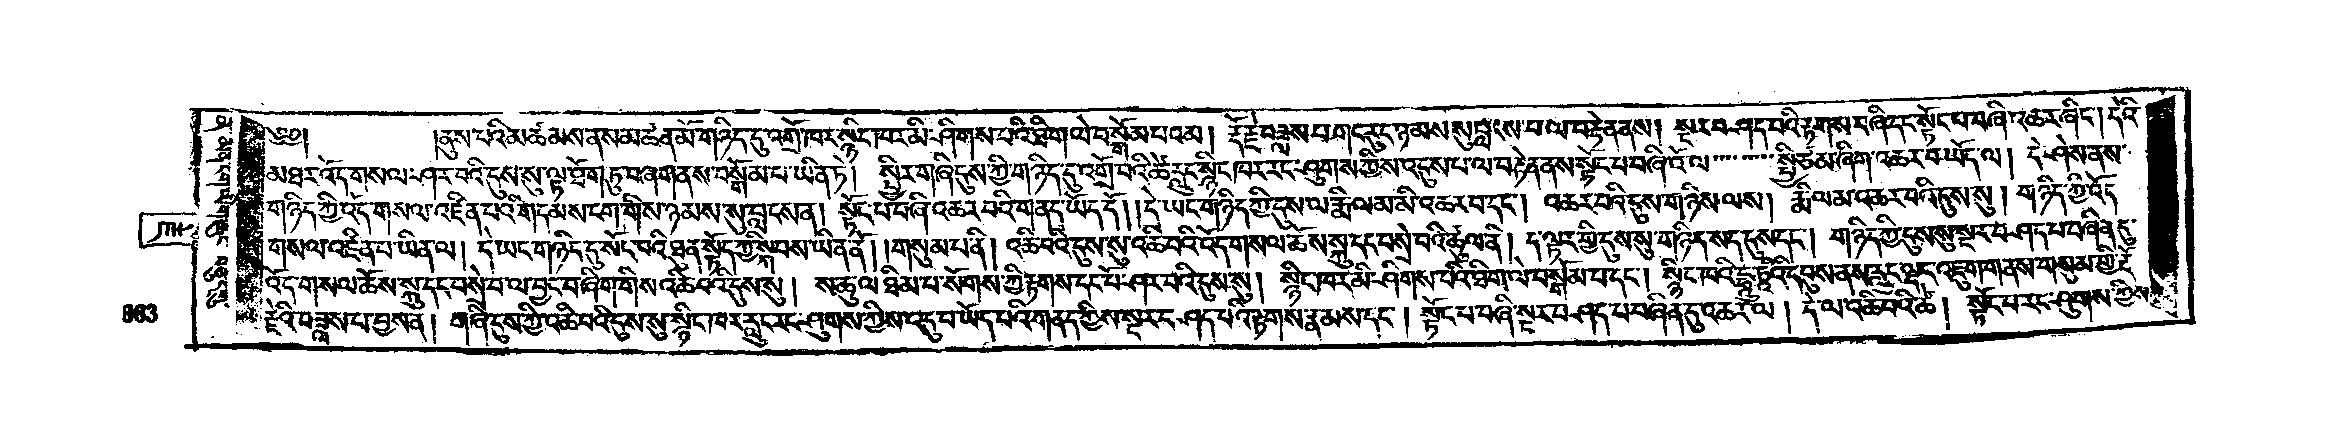༄༅། །ནུས་པའི་མཚམས་ནས་མཚན་མོ་གཉིད་དུ་འགྲོ་ཁར་སྙིང་ཁར་མི་ཤིགས་པའི་ཐིག་ལེ་བསྒོམ་པའམ། རྡོ་རྗེ་བཟླས་པ་གང་རུང་ཉམས་སུ་བླངས་པ་ལ་བརྟེན་ནས། སྔར་བཤད་པའི་རྟགས་བཞི་དང་སྟོང་པ་བཞི་འཆར་ཞིང་། དེའི་
མཐར་འོད་གསལ་ཤར་བའི་དུས་སུ་ལྟ་ཐོག་ཏུ་བཞག་ནས་བསྒོམ་པ་ཡིན་ཏེ། སྤྱིར་གཞི་དུས་ཀྱི་གཉིད་དུ་འགྲོ་བའི་ཚེ་རླུང་སྙིང་ཁར་རང་ཤུགས་ཀྱིས་འདུས་པ་ལ་བརྟེན་ནས་སྟོང་པ་བཞི་འོ་ལ་སྤྱི་ཙམ་ཞིག་འཆར་བ་ཡོད་ལ། དེ་ཤེས་ནས་
གཉིད་ཀྱི་འོད་གསལ་འཛིན་པའི་གདམས་ངག་གིས་ཉམས་སུ་བླངས་ན། སྟོང་པ་བཞི་འཆར་བའི་གནད་ཡོད་དོ། །དེ་ཡང་གཉིད་ཀྱི་དུས་ལ་རྨི་ལམ་མི་འཆར་བ་དང་། འཆར་བའི་དུས་གཉིས་ལས། རྨི་ལམ་འཆར་བའི་དུས་སུ། གཉིད་ཀྱི་འོད་
གསལ་འཛིན་པ་ཡིན་ལ། དེ་ཡང་གཉིད་དུ་སོང་བའི་ཐུན་སྟོད་ཀྱི་སྐབས་ཡིན་ནོ། །གསུམ་པ་ནི། འཆི་བའི་དུས་སུ་འཆི་བའི་འོད་གསལ་ཆོས་སྐུ་དང་བསྲེ་བའི་ཚུལ་ནི། ད་ལྟར་གྱི་དུས་སུ་གཉིད་སད་དུས་དང་། གཉིད་ཀྱི་དུས་སུ་སྔར་བཤད་པ་བཞིན་དུ་
འོད་གསལ་ཆོས་སྐུ་དང་བསྲེ་བ་ལ་བྱང་བ་ཞིག་གིས་འཆི་བའི་དུས་སུ། ས་ཆུ་ལ་ཐིམ་པ་སོགས་ཀྱི་རྟགས་དང་པོ་ཤར་བའི་དུས་སུ། སྙིང་ཁར་མི་ཤིགས་པའི་ཐིག་ལེ་བསྒོམ་པ་དང་། སྙིང་ཁའི་དྷཱུ་ཏཱིའི་དབུས་ནས་རླུང་ལྡང་འཇུག་གནས་གསུམ་གྱི་རྡོ་
རྗེའི་བཟླས་པ་བྱས་ན། གཞི་དུས་ཀྱི་འཆི་བའི་དུས་སུ་སྙིང་ཁར་རླུང་རང་ཤུགས་ཀྱིས་འདུ་བ་ཡོད་པའི་གནད་ཀྱིས་སྔར་བཤད་པའི་རྟགས་རྣམས་དང་། སྟོང་པ་བཞི་སྔར་བཤད་པ་བཞིན་དུ་འཆར་ལ། དེ་ལ་འཆི་བའི་ཚེ། སྟོང་པ་རང་ཤུགས་ཀྱིས་